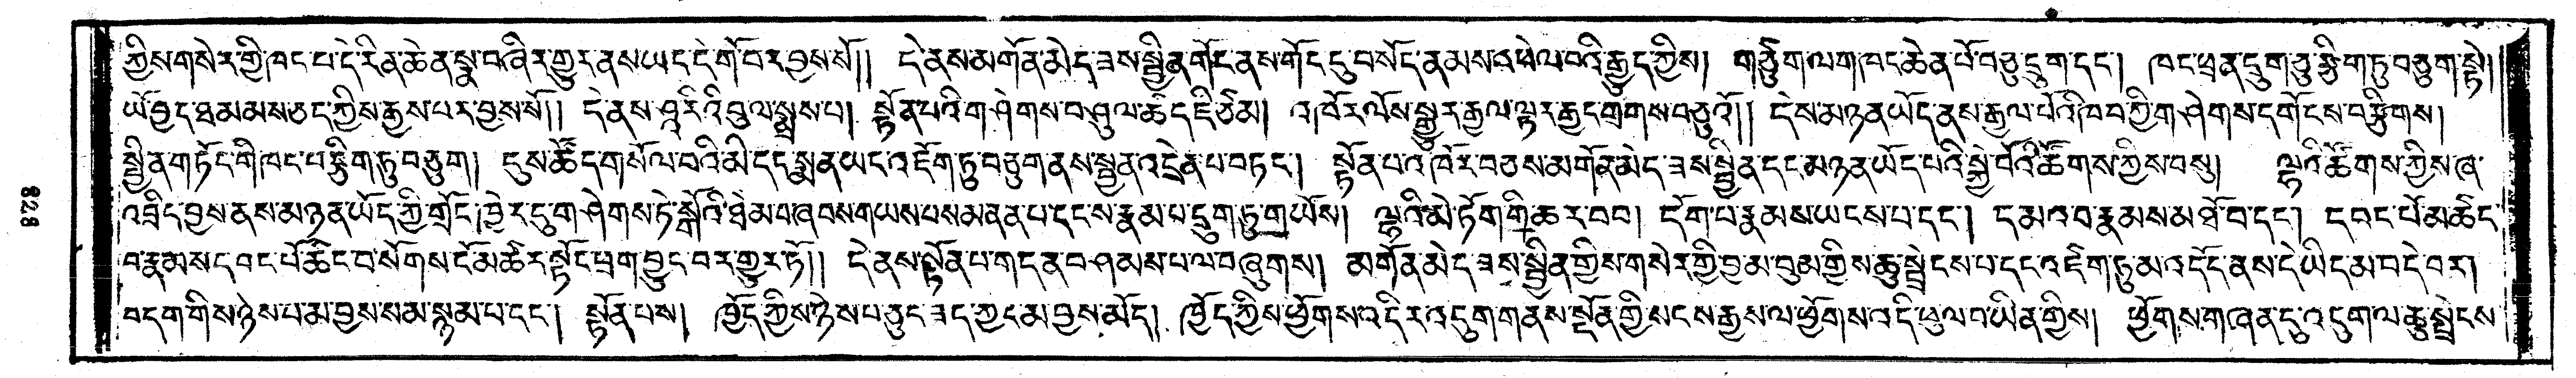ཀྱིས་གསེར་གྱི་ཁང་པ་དེ་རིན་ཆེན་སྣ་བཞིར་གྱུར་ནས་ཡང་དེ་གོ་བར་བྱས་སོ།། དེ་ནས་མགོན་མེད་ཟས་སྦྱིན་གོང་ནས་གོང་དུ་བསོད་ནམས་འཕེལ་བའི་རྒྱུད་ཀྱིས། གཙུག་ལག་ཁང་ཆེན་པོ་བཅུ་དྲུག་དང་། ཁང་ཕྲན་དྲུག་ཅུ་རྩིག་ཏུ་བཅུག་སྟེ།
ཡོ་བྱད་ཐམ་མས་ཅད་ཀྱིས་རྒྱས་པར་བྱས་སོ།། དེ་ནས་ཤཱ་རིའི་བུ་ལ་སྨྲས་པ། སྟོན་པའི་གཤེགས་བཤུལ་ཚད་ཇི་ཙམ། འཁོར་ལོས་སྒྱུར་རྒྱལ་ལྟར་རྒྱང་གྲགས་བཅུའོ།། དེས་མཉན་ཡོད་ནས་རྒྱལ་པོའི་ཁབ་ཀྱི་གཤེགས་དགོངས་བརྩིགས།
སྤྱིན་གཏོང་གི་ཁང་བརྩིག་ཏུ་བཅུག། དུས་ཚོད་གསོལ་བའི་མི་དང་སྨན་ཡང་འཇོག་ཏུ་བཅུག་ནས་སྦྱན་འདྲེན་པ་བཏང་། སྟོན་པ་འཁོར་བཅས་མགོན་མེད་ཟས་སྦྱིན་དང་མཉན་ཡོད་པའི་སྐྱེ་བོའི་ཚོགས་ཀྱིས་བསུ། ལྷའི་ཚོགས་ཀྱིས་ཞ་
འབྲིང་བྱས་ནས་མཉན་ཡོད་ཀྱི་གྲོང་ཁྱེར་དུ་གཤེགས་ཏེ་སྒོའི་ཐེམ་བ་ཞབས་གཡས་པས་མནན་པ་དང་ས་རྣམ་པ་དྲུག་ཏུ་གཡོས། ལྷའི་མེ་ཏོག་གི་ཆར་བབ། དོག་པ་རྣམས་ཡངས་པ་དང་། དམའ་བ་རྣམས་མཐོ་བ་དང་། དབང་པོ་མཚང་
བ་རྣམས་དབང་པོ་ཚང་བ་སོགས་ངོ་མཚར་སྟོང་ཕྲག་བྱུང་བར་གྱུར་ཏོ།། དེ་ནས་སྟོན་པ་གདན་བཤམས་པ་ལ་བཞུགས། མགོན་མེད་ཟས་སྦྱིན་གྱིས་གསེར་གྱི་བྱ་མ་བུམ་གྱིས་ཆུ་སྦྲེངས་པ་དང་འཛག་ཏུ་མ་འདོད་ནས་དེ་ཡིད་མ་བདེ་བར།
བདག་གིས་ཉེས་པ་མ་བྱས་སམ་སྙམ་པ་དང་། སྟོན་པས། ཁྱོད་ཀྱིས་ཉེས་པ་ཅུང་ཟད་ཀྱང་མ་བྱས་མོད། ཁྱོད་ཀྱིས་ཕྱོགས་འདིར་འདུག་གནས་སྔོན་གྱི་སངས་རྒྱས་ལ་ཕྱོགས་འདི་ཕུལ་བ་ཡིན་གྱིས། ཕྱོགས་གཞན་དུ་འདུག་ལ་ཆུ་སྤྲེངས་